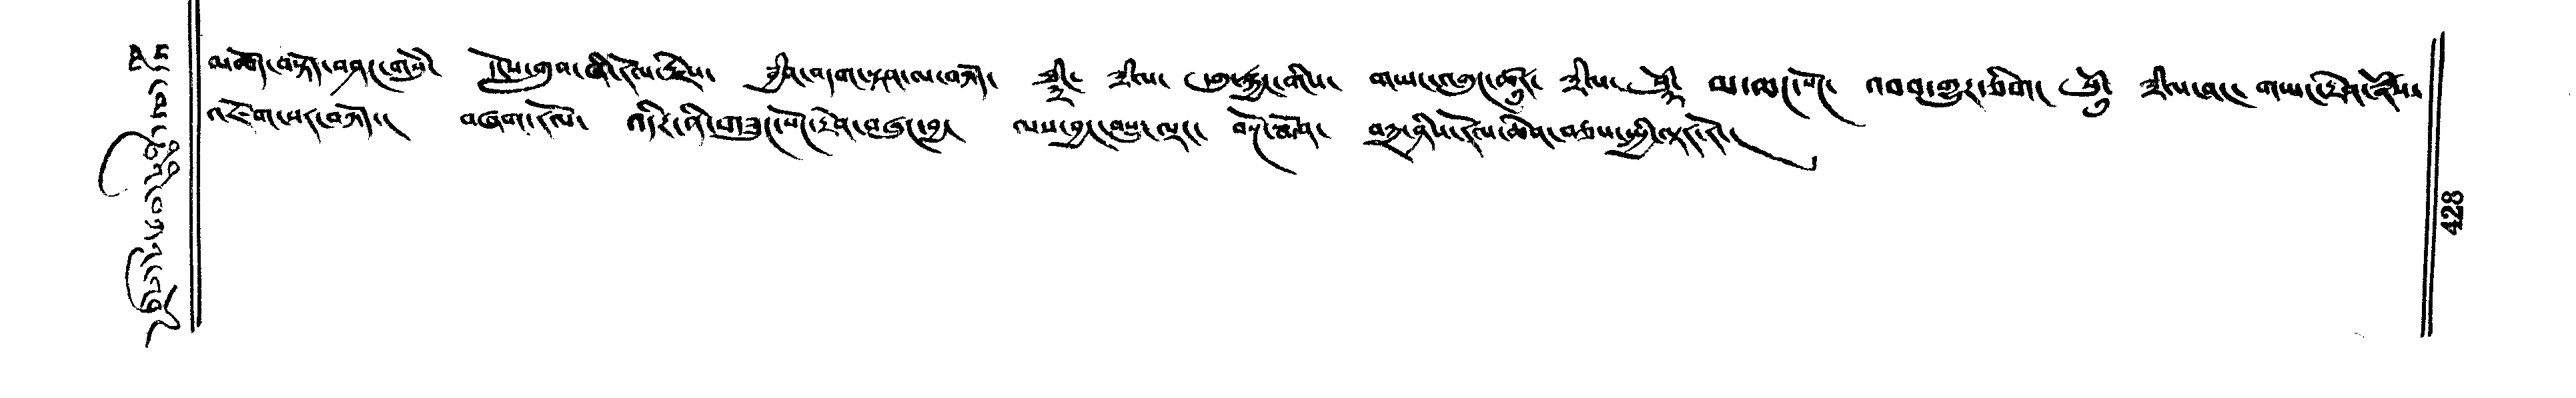མཆོད་བསྟོད་བཤགས་གསུམ། དངོས་གྲུབ་ཞི་རོལ་རྗེས། སྦྱིན་བདག་སྟན་ལ་འཁཽད། ཐིང་གསུམ། ཟིལ། དགུ་རྐྱང་གིས། གཡང་འགུགས་ཚར་གཅིག ཟིལ། སུམ་གཉིས། མ་ཆགས་སོགས། འབབ་གྱུར་ཅིག སུམ་གཅིག ཟིལ་ནང་། གཡང་རྟེན་རྣམས་
འཇོག་སར་དགཽད། བཞག་རོལ། འདིར་ནི་གཟུགས༴ སོགས་རྟེན་བཞུགས་བྱ། ལས་བྱང་བསྡུ་ལྡང་། བསྔོ་སྨོན། བཀྲ་ཤིས་རོལ་ཆེན་བཅས་སྤྱི་ལྟར་རོ།། མངྒ་ལམ།།